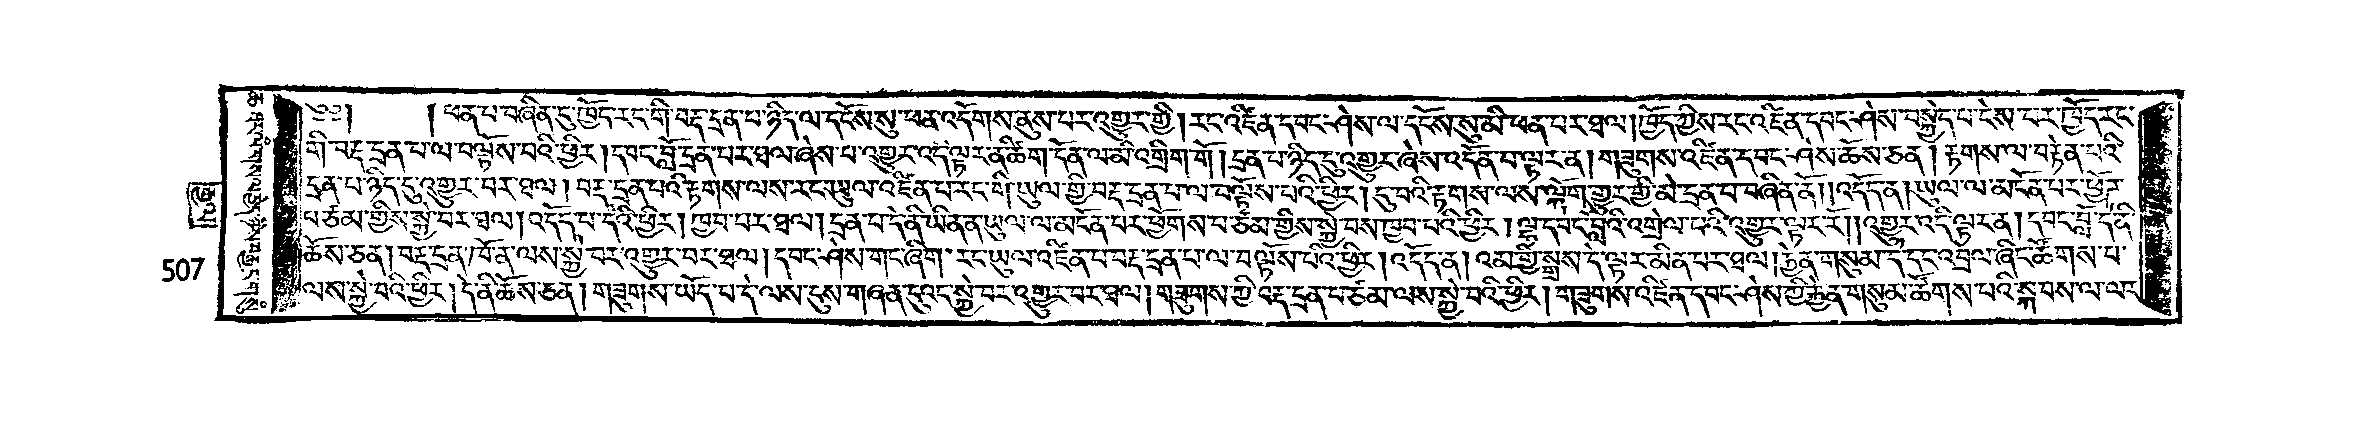༄༅། །ཕན་པ་བཞིན་དུ་ཁྱོད་རང་གི་བརྡ་དྲན་པ་ཉིད་ལ་དངོས་སུ་ཕན་འདོགས་ནུས་པར་འགྱུར་གྱི། རང་འཛིན་དབང་ཤེས་ལ་དངོས་སུ་མི་ཕན་པར་ཐལ། ཁྱོད་ཀྱིས་རང་འཛིན་དབང་ཤེས་བསྐྱེད་པ་ངེས་པར་ཁྱོད་རང་
གི་བརྡ་དྲན་པ་ལ་བལྟོས་པའི་ཕྱིར། དབང་བློ་དྲན་པར་ཐལ་ཞེས་པ་འགྱུར་འདི་ལྟར་ན་ཚིག་དོན་ལ་མི་འགྲིག་གོ །དྲན་པ་ཉིད་དུ་འགྱུར་ཞེས་འདོན་པ་ལྟར་ན། གཟུགས་འཛིན་དབང་ཤེས་ཆོས་ཅན། རྟགས་ལ་བརྟེན་པའི་
དྲན་པ་ཉིད་དུ་འགྱུར་བར་ཐལ། བརྡ་དྲན་པའི་རྟགས་ལས་རང་ཡུལ་འཛིན་པ་རང་གི་ཡུལ་གྱི་བརྡ་དྲན་པ་ལ་བལྟོས་པའི་ཕྱིར། དུ་བའི་རྟགས་ལས་ལྐོག་གྱུར་གྱི་མེ་དྲན་པ་བཞིན་ནོ། །འདོད་ན། ཡུལ་ལ་མངོན་པར་ཕྱོགས་
པ་ཙམ་གྱིས་སྐྱེ་བར་ཐལ། འདོད་པ་དེའི་ཕྱིར། ཁྱབ་པར་ཐལ། དྲན་པ་དེ་ནི་ཡིན་ན་ཡུལ་ལ་མངོན་པར་ཕྱོགས་པ་ཙམ་གྱིས་སྐྱེ་བས་ཁྱབ་པའི་ཕྱིར། ལྷ་དབང་བློའི་འགྲེལ་པའི་འགྱུར་ལྟར་རོ། །འགྱུར་འདི་ལྟར་ན། དབང་བློ་དེ་ནི་
ཆོས་ཅན། བརྡ་དྲན་ཁོ་ན་ལས་སྐྱེ་བར་འགྱུར་བར་ཐལ། དབང་ཤེས་གང་ཞིག་རང་ཡུལ་འཛིན་པ་བརྡ་དྲན་པ་ལ་བལྟོས་པའི་ཕྱིར། འདོད་ན། འམ་གྱི་སྒྲས་དེ་ལྟར་མིན་པར་ཐལ། རྐྱེན་གསུམ་དེ་དང་འབྲལ་ཞིང་ཚོགས་པ་
ལས་སྐྱེ་བའི་ཕྱིར། དེ་ནི་ཆོས་ཅན། གཟུགས་ཡོད་པ་དེ་ལས་དུས་གཞན་དུའང་སྐྱེ་བར་འགྱུར་བར་ཐལ། གཟུགས་ཀྱི་བརྡ་དྲན་པ་ཙམ་ལས་སྐྱེ་བའི་ཕྱིར། གཟུགས་འཛིན་དབང་ཤེས་ཀྱི་རྐྱེན་གསུམ་ཚོགས་པའི་སྐབས་ལ་ལར་